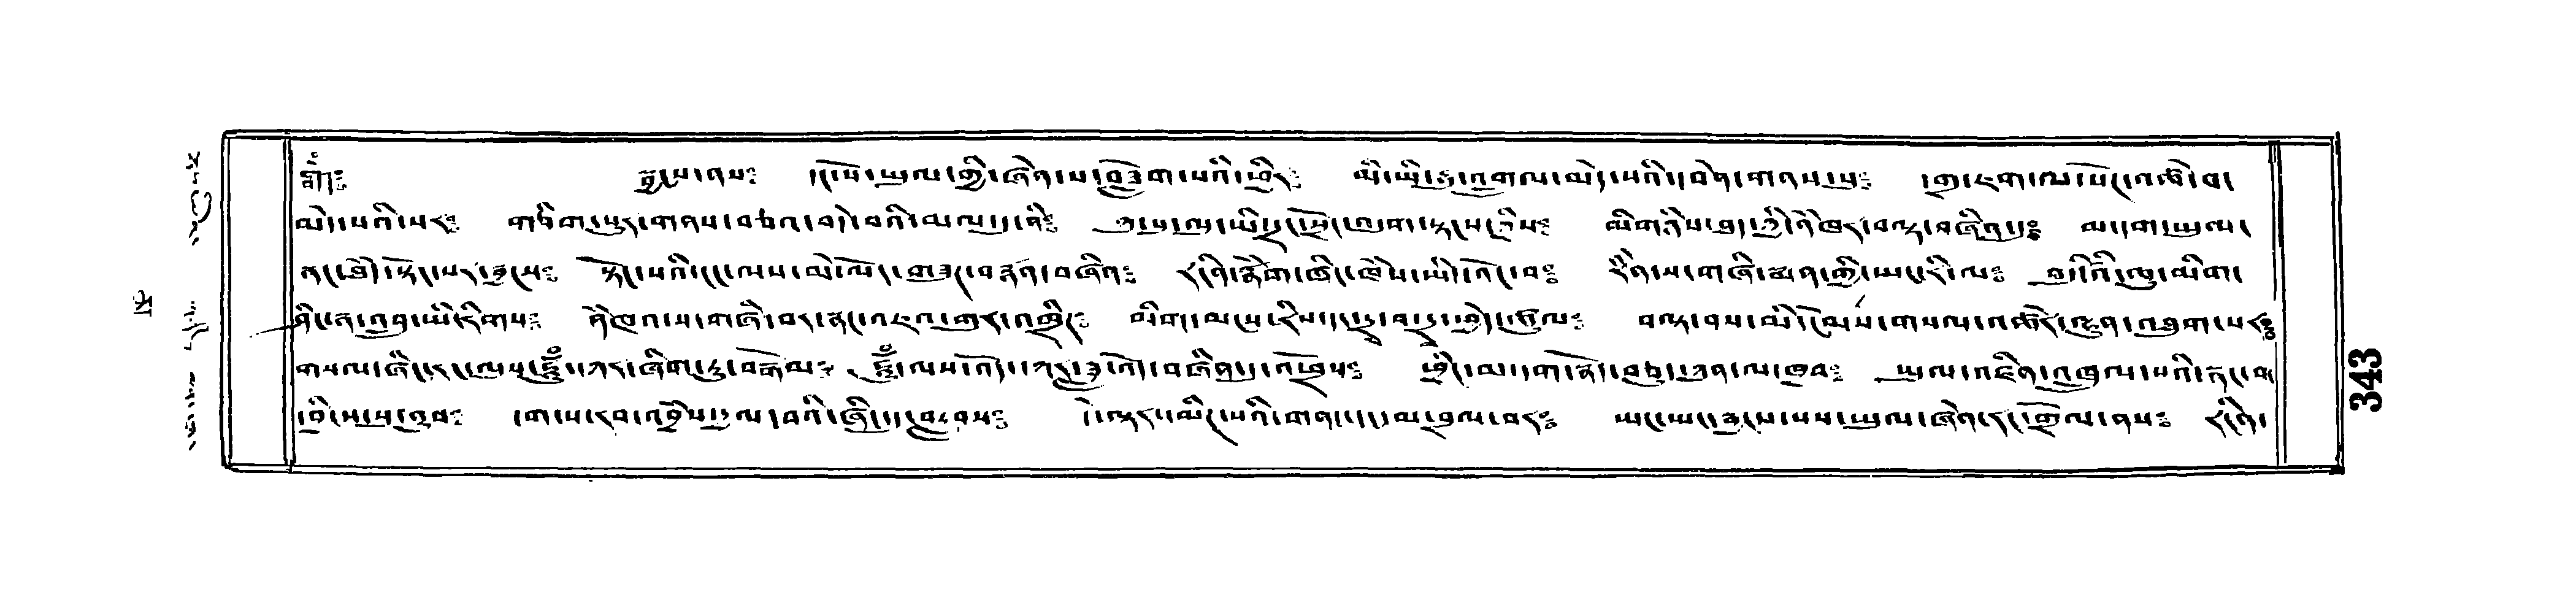སྦྱངས་ནས༔ དང་པོ་ཡུལ་གྱི་ཞེན་པ་བཟློག་པའི་ཕྱིར༔ མི་ཡི་རྒྱུ་འགྲུལ་མེད་པའི་དབེན་གནས་སུ༔ དགྲ་ཇག་ལ་སོགས་འཚོ་བ་
མེད་པའི་སར༔ གཅིག་པུར་གནས་བཅའ་བདེ་བའི་མལ་དུ་ནི༔ ཀུ་ས་ལི་ཡི་དྲང་སྲོང་འདུག་སྟངས་ཀྱིས༔ མིག་གཉིས་ཐད་ཀྱི་ནམ་མཁར་བལྟ་བཞིན་དུ༔ མ་དག་ཡུལ་
སྣང་ཐམས་ཅད་སྟོང་པར་སྦྱངས༔ སྟོང་པའི་ངང་ལས་མེ་ལོང་གཟུགས་བརྙན་བཞིན༔ རང་བཞིན་རྣམ་དག་ཞིང་ཁམས་ཡིད་འོང་བ༔ རིན་ཆེན་ས་གཞི་སྨན་གྱི་སྤང་རི་ལ༔ བདུད་རྩིའི་ཆུ་མིག་
ཤིང་སྣ་འབྲུ་ཡི་རིགསཿ ནམ་མཁའ་ས་གཞི་བར་སྣང་འཇའ་གུར་འཁྲིགས༔ མིག་མངས་རིས་དང་དྲྭ་བ་དྲྭ་ཕྱེད་ཚུལ༔ བལྟ་བས་མི་ངོམས་གསལ་འཚེར་ལྷུན་སྟུག་པར༔ 
གསལ་ཞིང་རང་ལུས་ཧཱུྃ་དཀར་ཞིག་ཏུ་བསྒོམ༔ ཧཱུྃ་ལས་འོད་དཀར་ཟླ་འོད་བཞིན་དུ་འཕྲོས༔ ཕྱི་ནང་མ་དག་སྣོད་བཅུད་ཀུན་ལ་ཁྱབ༔ ཡུལ་འཛིན་འཁྲུལ་པའི་སྣང་བ་
དབྱིངས་སུ་ནུབ༔ དག་པ་རབ་འབྱམས་རྒྱལ་བའི་ཞིང་དུ་བརླབས༔ དེ་ལྟར་དམིགས་པའི་གནད་དང་མ་བྲལ་བར༔ ཡང་ཡང་སྦྱངས་པས་ཡུལ་ཞེན་རང་གྲོལ་ནས༔ རང་བཞིན་